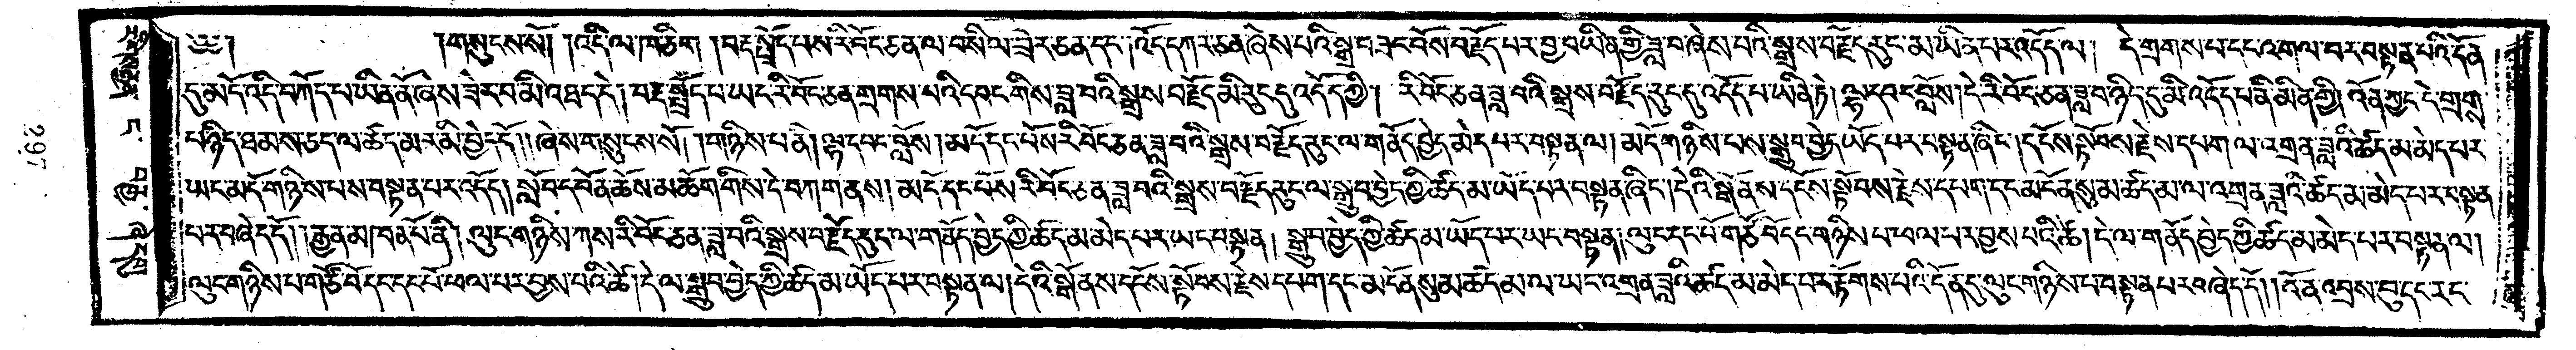༄༅། །གསུངས་སོ། །འདི་ལ་ཁ་ཅིག ། བརྡ་སྤྲོད་པས་རི་བོང་ཅན་ལ་བསིལ་ཟེར་ཅན་དང་། འོད་དཀར་ཅན་ཞེས་པའི་སྒྲ་བཟང་པོས་བརྗོད་པར་བྱ་བ་ཡིན་གྱི་ཟླ་བ་ཞེས་པའི་སྒྲས་བརྗོད་རུང་མ་ཡིན་པར་འདོད་ལ། དེ་གྲགས་པ་དང་འགལ་བར་བསྟན་པའི་དོན་
དུ་མདོ་འདི་བཀོད་པ་ཡིན་ནོ་ཞེས་ཟེར་བ་མི་འཐད་དེ། བརྡ་སྤྲོད་པ་ཡང་རི་བོང་ཅན་གྲགས་པའི་དབང་གིས་ཟླ་བའི་སྒྲས་བརྗོད་མི་རུང་དུ་འདོད་ཀྱི། རི་བོང་ཅན་ཟླ་བའི་སྒྲས་བརྗོད་རུང་དུ་འདོད་པ་ཡིན་ཏེ། ལྷ་དབང་བློས། དེ་རི་བོང་ཅན་ཟླ་བ་ཉིད་དུ་མི་འདོད་པ་ནི་མིན་གྱི། འོན་ཀྱང་དེ་གྲགས་
པ་ཉིད་ཐམས་ཅད་ལ་ཚད་མར་མི་བྱེད་དོ། །ཞེས་གསུངས་སོ། །གཉིས་པ་ནི། ལྷ་དབང་བློས། མདོ་དང་པོས་རི་བོང་ཅན་ཟླ་བའི་སྒྲས་བརྗོད་རུང་ལ་གནོད་བྱེད་མེད་པར་བསྟན་ལ། མདོ་གཉིས་པས་སྒྲུབ་བྱེད་ཡོད་པར་བསྟན་ཞིང་། དངོས་སྟོབས་རྗེས་དཔག་ལ་འགྲན་ཟླའི་ཚད་མ་མེད་པར་
ཡང་མདོ་གཉིས་པས་བསྟན་པར་འདོད། སློབ་དཔོན་ཆོས་མཆོག་གིས་དེ་བཀག་ནས། མདོ་དང་པོས་རི་བོང་ཅན་ཟླ་བའི་སྒྲས་བརྗོད་རུང་ལ་སྒྲུབ་བྱེད་ཀྱི་ཚད་མ་ཡོད་པར་བསྟན་ཞིང་། དེའི་སྒོ་ནས་དངོས་སྟོབས་རྗེས་དཔག་དང་མངོན་སུམ་ཚད་མ་ལ་འགྲན་ཟླའི་ཚད་མ་མེད་པར་བསྟན་
པར་བཞེད་དོ། །རྒྱན་མཁན་པོ་ནི། ལུང་གཉིས་ཀས་རི་བོང་ཅན་ཟླ་བའི་སྒྲས་བརྗོད་རུང་ལ་གནོད་བྱེད་ཀྱི་ཚད་མ་མེད་པར་ཡང་བསྟན། སྒྲུབ་བྱེད་ཀྱི་ཚད་མ་ཡོད་པར་ཡང་བསྟན། ལུང་དང་པོ་གཙོ་བོ་དང་གཉིས་པ་ཕལ་པར་བྱས་པའི་ཚེ། དེ་ལ་གནོད་བྱེད་ཀྱི་ཚད་མ་མེད་པར་བསྟན་ལ།
ལུང་གཉིས་པ་གཙོ་བོ་དང་དང་པོ་ཕལ་པར་བྱས་པའི་ཚེ། དེ་ལ་སྒྲུབ་བྱེད་ཀྱི་ཚད་མ་ཡོད་པར་བསྟན་ལ། དེའི་སྒོ་ནས་དངོས་སྟོབས་རྗེས་དཔག་དང་མངོན་སུམ་ཚད་མ་ལ་ཡང་འགྲན་ཟླའི་ཚད་མ་མེད་པར་རྟོགས་པའི་དོན་དུ་ལུང་གཉིས་པ་བསྟན་པར་བཞད་དོ། །འོ་ན་འབྲས་བུ་དང་རང་